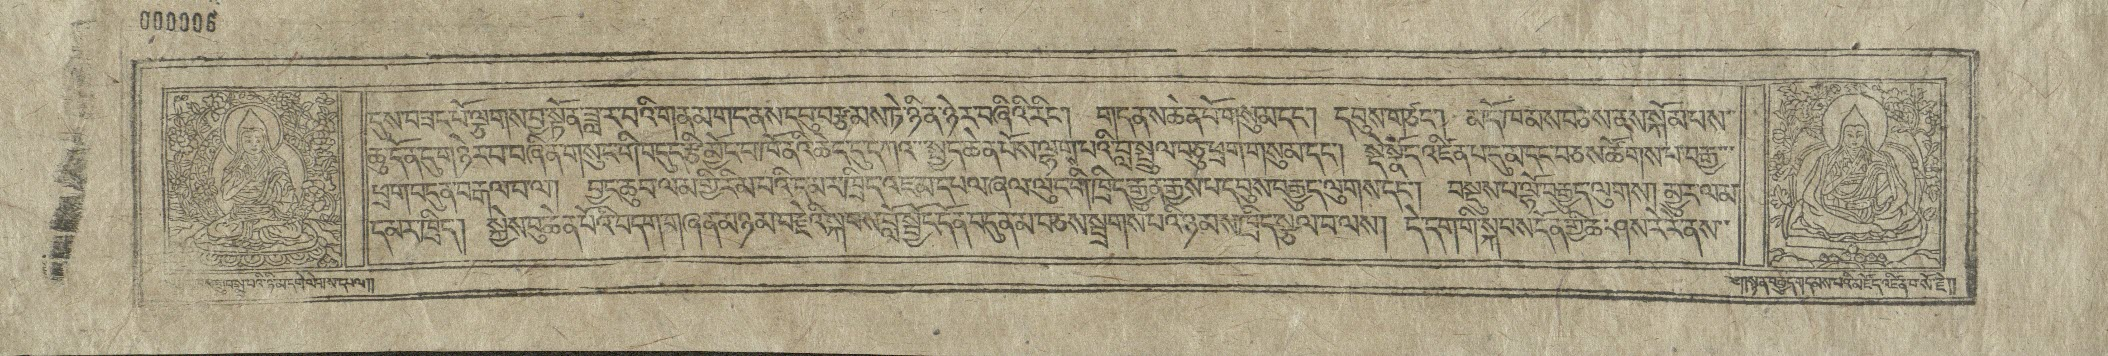་དུས་བཟང་པོ་ལྕགས་བྱ་སྟོན་ཟླ་ར་བའི་གནམ་གང་ནས་དབུ་བརྩམས་ཏེ་ཉིན་ཉེར་བཞིའི་རིང་། གདན་ས་ཆེན་པོ་གསུམ་དང་། དབུས་གཙང་། མདོ་ཁམས་བཅས་ནས་སྐོམ་པས་
ཆུ་དོན་དུ་གཉེར་བ་བཞིན་གསུང་གི་བདུད་རྩི་མྱོང་བ་ཁོ་ནའི་ཆེད་དུ་དཀའ་སྤྱད་ཆེན་པོས་ལྷགས་པའི་བླ་སྤྲུལ་བཅུ་ཕྲག་གསུམ་དང་། སྡེ་སྣོད་འཛིན་པ་དུ་མ་དང་བཅས་ཚོགས་པ་བརྒྱ་
ཕྲག་བདུན་བརྒལ་བ་ལ། བྱང་ཆུབ་ལམ་གྱི་རིམ་པའི་དམར་ཁྲིད་འཇམ་དཔལ་ཞལ་ལུང་གི་ཁྲིད་རྒྱུན་རྒྱས་པ་དབུས་བརྒྱུད་ལུགས་དང་། བསྡུས་པ་ལྷོ་བརྒྱུད་ལུགས། མྱུར་ལམ་
དམར་ཁྲིད། སྐྱེས་བུ་ཆེན་པོའི་བདག་གཞན་མཉམ་བརྗེའི་སྐབས་བློ་སྦྱོང་དོན་བདུན་མ་བཅས་སྦྲགས་པའི་ཉམས་ཁྲིད་སྩལ་བ་ལས། དེ་དག་གི་སྐབས་དོན་གྱི་ཆ་ཤས་རེ་རེ་ནས་